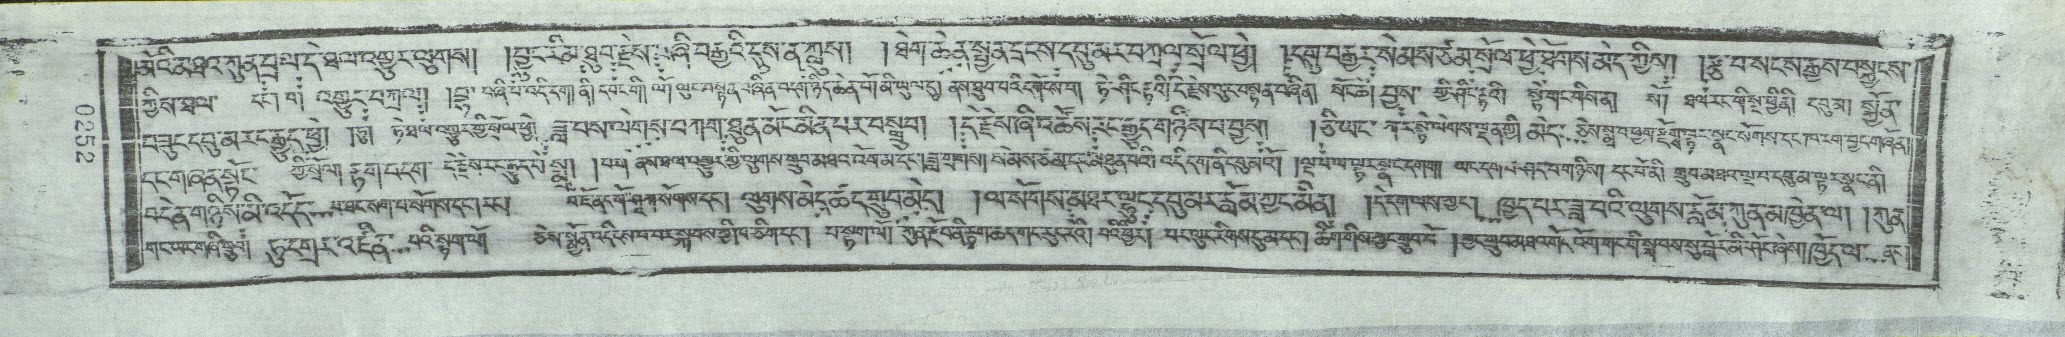མོའི་མཐའ་ཀུན་བྲལ་དེ་ཐལ་འགྱུར་ལུགས། །བྱུང་རིམ་ཐུབ་རྗེས་བཞི་བརྒྱའི་དུས་ན་ཀླུས། །ཐེག་ཆེན་སྤྱན་དྲངས་དབུ་མར་བཀྲལ་སྲོལ་ཕྱེ། །དགུ་བརྒྱར་སེམས་ཙམ་སྲོལ་ཕྱེ་ཐོགས་མེད་ཀྱིས། །རྩ་བ་སངས་རྒྱས་བསྐྱངས་
ཀྱིས་ཐལ་དང་། བ། འགྱུར་བཀྲལ། །བྷ་བཞི་པ་འདི་ངག །ནི། དབང་གི །ལོ། ལུང་བསྟན་བཞིན་བདག་ཉིད་ཆེན་པོ། མི་ཡུལ་དུ། ནས་ཐུབ་པའི་དགེངས་པ། ཏེ་ཤིང་རྟ་གི་དེ་རྗེས་ལུང་བསྟན་བཞིན། སོང་ཆེ། བྱས་གྱི་ཤིང་རྟའི། སྟེ་གང་གིས་ན། ཡོ། ཐལ་རང་གི་སྔ་ཕྱི་ནི། དབུམ། སྐྱོན་
བཟུང་དབུ་མ་རང་རྒྱུད་ཕྱེ། །ཏུ། ཏེ་ཐལ་འགྱུར་གྱི་སྲོལ་ཕྱེ། ཟླ་བས་ལེགས་བཀག་ཐུན་མོད་མིན་པར་བསྒྲུབ། །དེ་རྗེས་ཞི་འཚོས་རང་རྒྱུད་གཉིས་པ་བྱས། །ཅི་ཡང་ཀར་སྟེ་ལེགས་ལྡན་གྱི། མེད་ཅེས་སྨྲ་བ་ཕྱག་རྗེས་ལྟར་སྣང་སོགས་དང་ཁ་རང་བྱང་གཞོན་
དང་གཞན་སྟོང་ཀྱི་སྲོལ། རྟག་བདག་དེ་རྗེས་རང་རྒྱུད་དེ། སྨྲ། །པར། ནས་ཐལ་བགྱུར་གྱི་ལུགས་གྲུབ་མྟའ་འོག་མ་དང་། ཟླ་གྲགས། སེམས་ཅེམ་དང་མཐུན་བའི། འདི་དག་ནི་འདུ?་མའོ། །ལྔ་པ་ལ་ལྟར?་སྣང་དགག། ཕང་དག་བཤད་པ་གཉྷིས། དང་པོ་ནི།
བདེན་གཉིས་མི་འདོད་??་བ་ཐང་སག་པ་སོགས་དང་། རང་། པ་ཇོ་ནང་གོ་ཤཱ་ཀ་སོགས་དང་། ལུགས་མེད་ཚད་གྲུབ་མེད། །ལ་སོགས་མཐར་ལྷུང་དབུ་མར་རློམ་ཀྱང་མིན། །དེ་དག་ལས་ཀྱང་། །ཁྱད་པར་ཟླ་བའི་ལུགས་རློམ་ཀུན་མཁྱེན་ལ། །ཀུན་
གང་ཡང་གཞི་ལྕབ?། ཏུ་དགྲར་འཛིན་པའི་སྟག་ལོ། ཅེས་སྨྱོན་འདིངས་པ་པར་སྐབས་ཀྱི་ཁ་ཅིག་དང་། པ་སྟག་ལོ། ཀུན་རྫོབ་ནི་རྟག་ཆད་གང་རུང་རེའི། བའི་ཕྱིར། ཐར་ལུང་རིགས་དུ་མ་དང་། ཚིག་གིས་ཀྱང་གྲུབ་བོ། ཀྱང་གྲུབ་མལ་འགོད་པོག་གང་གི་སྐབས་སུ་བློར་མི་ཤོང་ཞེས། ཁྱོད་ལ་ནང་